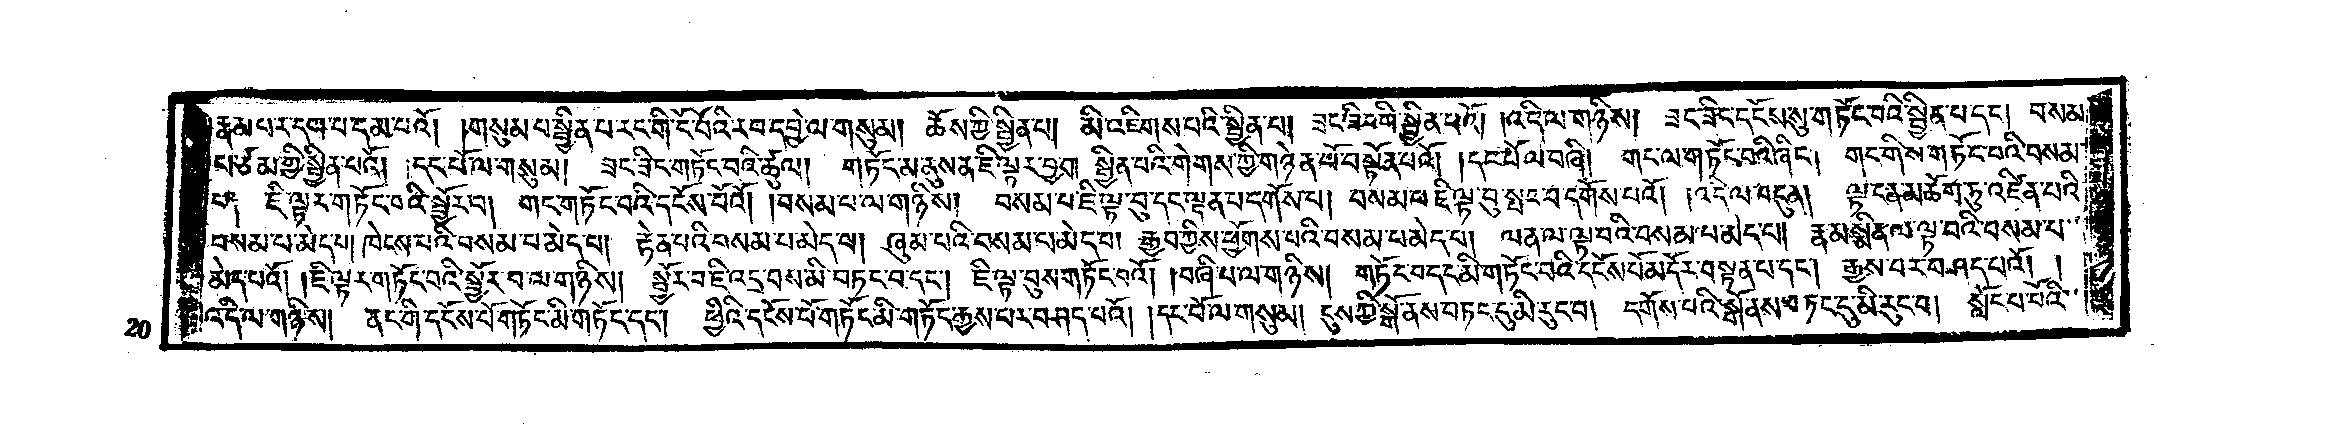རྣམ་པར་དག་པ་དམ་པའོ། །གསུམ་པ་སྦྱིན་པ་རང་གི་ངོ་བོའི་རབ་དབྱེ་ལ་གསུམ། ཆོས་ཀྱི་སྦྱིན་པ། མི་འཇིགས་པའི་སྦྱིན་པ། ཟང་ཟིང་གི་སྦྱིན་པའོ། །འདི་ལ་གཉིས། ཟང་ཟིང་དངོས་སུ་གཏོང་བའི་སྦྱིན་པ་དང་། བསམ་
པ་ཙམ་གྱི་སྦྱིན་པའོ། །དང་པོ་ལ་གསུམ། ཟང་ཟིང་གཏོང་བའི་ཚུལ། གཏོང་མ་ནུས་ན་ཇི་ལྟར་བྱ་བ། སྦྱིན་པའི་གེགས་ཀྱི་གཉེན་པོ་བསྟེན་པའོ། །དང་པོ་ལ་བཞི། གང་ལ་གཏོང་བའི་ཞིང་། གང་གིས་གཏོང་བའི་བསམ་
པ༑ ཇི་ལྟར་གཏོང་བའི་སྦྱོར་བ། གང་གཏོང་བའི་དངོས་པོའོ། །བསམ་པ་ལ་གཉིས། བསམ་པ་ཇི་ལྟ་བུ་དང་ལྡན་པ་དགོས་པ། བསམ་པ་ཇི་ལྟ་བུ་སྤང་བ་དགོས་པའོ། །འདི་ལ་བདུན། ལྟ་ངན་མཆོག་ཏུ་འཛིན་པའི་
བསམ་པ་མེད་པ། ཁེངས་པའི་བསམ་པ་མེད་པ། རྟེན་པའི་བསམ་པ་མེད་པ། ཞུམ་པའི་བསམ་པ་མེད་པ། རྒྱབ་ཀྱིས་ཕྱོགས་པའི་བསམ་པ་མེད་པ། ལན་ལ་ལྟ་བའི་བསམ་པ་མེད་པ། རྣམ་སྨིན་ལ་ལྟ་བའི་བསམ་པ་
མེད་པའོ། །ཇི་ལྟར་གཏོང་བའི་སྦྱོར་བ་ལ་གཉིས། སྦྱོར་བ་ཇི་འདྲ་བས་མི་བཏང་བ་དང་། ཇི་ལྟ་བུས་གཏོང་བའོ། །བཞི་པ་ལ་གཉིས། གཏོང་བ་དང་མི་གཏོང་བའི་དངོས་པོ་མདོར་བསྟན་པ་དང་། རྒྱས་པར་བཤད་པའོ། །
འདི་ལ་གཉིས། ནང་གི་དངོས་པོ་གཏོང་མི་གཏོང་དང་། ཕྱིའི་དངོས་པོ་གཏོང་མི་གཏོང་རྒྱས་པར་བཤད་པའོ། །དང་པོ་ལ་གསུམ། དུས་ཀྱི་སྒོ་ནས་བཏང་དུ་མི་རུང་བ། དགོས་པའི་སྒོ་ནས་བཏང་དུ་མི་རུང་བ། སློང་པ་པོའི་